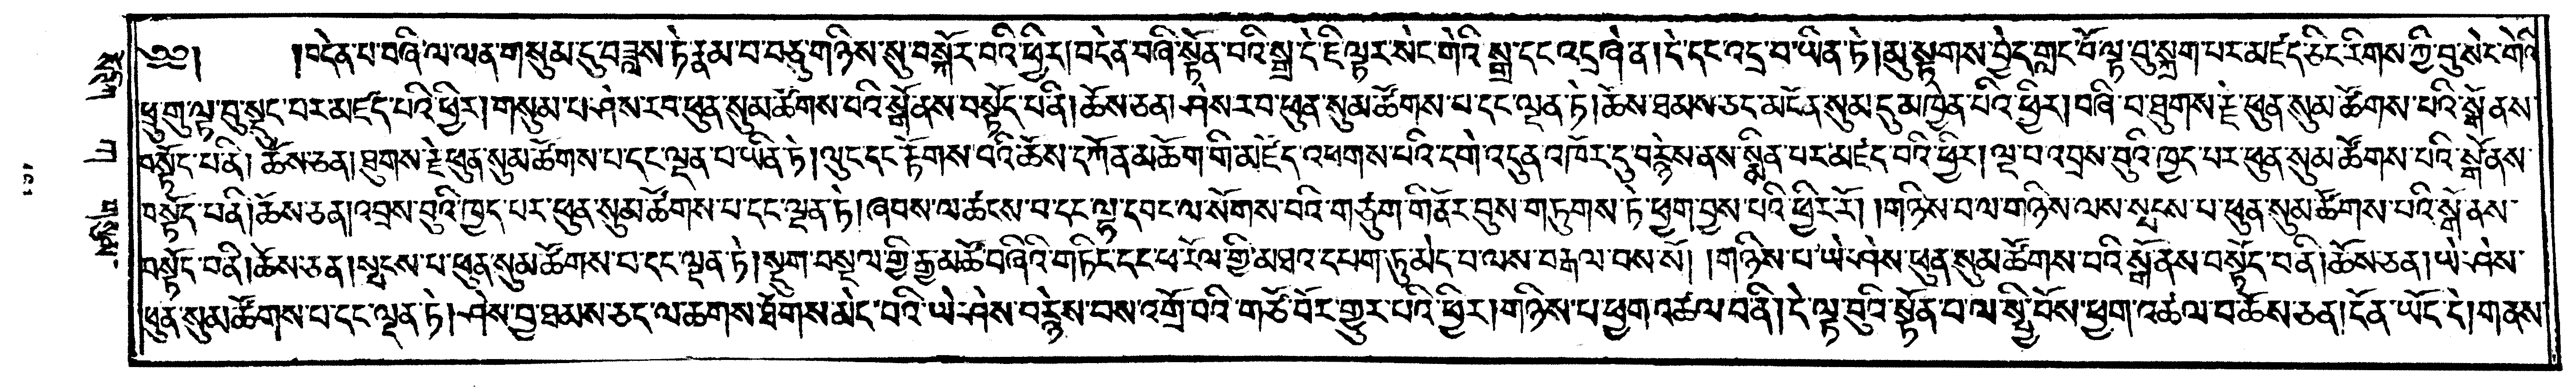༄༅། །བདེན་པ་བཞི་ལ་ལན་གསུམ་དུ་བཟླས་ཏེ་རྣམ་པ་བཅུ་གཉིས་སུ་བསྐོར་བའི་ཕྱིར། བདེན་བཞི་སྟོན་བའི་སྒྲ་དེ་ཇི་ལྟར་སེང་གེའི་སྒྲ་དང་འདྲ་ཞེ་ན། དེ་དང་འདྲ་བ་ཡིན་ཏེ། མུ་སྟེགས་བྱེད་གླང་བོ་ལྟ་བུ་སྐྲག་པར་མཛད་ཅིང་རིགས་ཀྱི་བུ་སེང་གེའི་
ཕྲུ་གུ་ལྟ་བུ་སྡུང་བར་མཛད་པའི་ཕྱིར། གསུམ་པ་ཤེས་རབ་ཕུན་སུམ་ཚོགས་པའི་སྒོ་ནས་བསྟོད་པ་ནི། ཆོས་ཅན། ཤེས་རབ་ཕུན་སུམ་ཚོགས་པ་དང་ལྡན་ཏེ། ཆོས་ཐམས་ཅད་མངོན་སུམ་དུ་མཁྱེན་པའི་ཕྱིར། བཞི་པ་ཐུགས་རྗེ་ཕུན་སུམ་ཚོགས་པའི་སྒོ་ནས་
བསྟོད་པ་ནི། ཆོས་ཅན། ཐུགས་རྗེ་ཕུན་སུམ་ཚོགས་པ་དང་ལྡན་པ་ཡིན་ཏེ། ལུང་དང་རྟོགས་བའི་ཆོས་དཀོན་མཆོག་གི་མཛོད་འཕགས་པའི་དགེ་འདུན་འཁོར་དུ་བརྙེས་ནས་སྨིན་པར་མཛད་བའི་ཕྱིར། ལྔ་པ་འབྲས་བུའི་ཁྱད་པར་ཕུན་སུམ་ཚོགས་པའི་སྒོ་ནས་
བསྟོད་པ་ནི། ཆོས་ཅན། འབྲས་བུའི་ཁྱད་པར་ཕུན་སུམ་ཚོགས་པ་དང་ལྡན་ཏེ། ཞབས་ལ་ཚངས་པ་དང་ལྷ་དབང་ལ་སོགས་པའི་གཙུག་གི་ནོར་བུས་གཏུགས་ཏེ་ཕྱག་བྱས་པའི་ཕྱིར་རོ། །གཉིས་བ་ལ་གཉིས་ལས་སྤངས་པ་ཕུན་སུམ་ཚོགས་པའི་སྒོ་ནས་
བསྟོད་བ་ནི། ཆོས་ཅན། སྤངས་པ་ཕུན་སུམ་ཚོགས་པ་དང་ལྡན་ཏེ། སྡུག་བསྔལ་གྱི་རྒྱ་མཚོ་བཞིའི་གཏིང་དང་ཕ་རོལ་གྱི་མཐའ་དཔག་ཏུ་མེད་པ་ལས་བརྒལ་བས་སོ། །གཉིས་པ་ཡེ་ཤེས་ཕུན་སུམ་ཚོགས་བའི་སྒོ་ནས་བསྟོད་བ་ནི། ཆོས་ཅན། ཡེ་ཤེས་
ཕུན་སུམ་ཚོགས་པ་དང་ལྡན་ཏེ། ཤེས་བྱ་ཐམས་ཅད་ལ་ཆགས་ཐོགས་མེད་བའི་ཡེ་ཤེས་བརྙེས་བས་འགྲོ་བའི་གཙོ་བོར་གྱུར་པའི་ཕྱིར། གཉིས་པ་ཕྱག་འཚལ་བ་ནི། དེ་ལྟ་བུའི་སྟོན་བ་ལ་སྤྱི་བོས་ཕྱག་འཚལ་བ་ཆོས་ཅན། དོན་ཡོད་དེ། གནས་